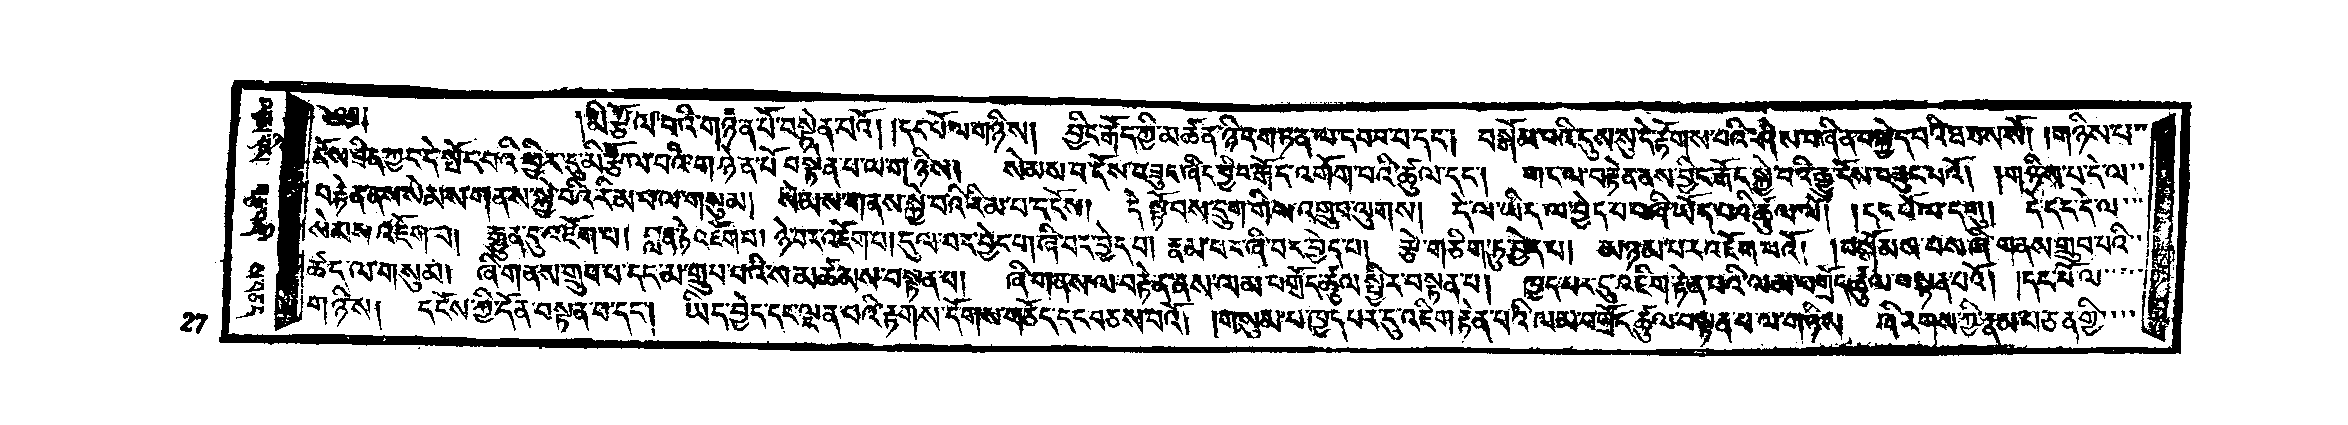༄༅། །མི་རྩོལ་བའི་གཉེན་པོ་བསྟེན་པའོ། །དང་པོ་ལ་གཉིས། བྱིང་རྒོད་ཀྱི་མཚན་ཉིད་གཏན་ལ་དབབ་པ་དང་། བསྒོམ་པའི་དུས་སུ་དེ་རྟོགས་པའི་ཤེས་བཞིན་བསྐྱེད་པའི་ཐབས་སོ། །གཉིས་པ་
ངོས་ཟིན་ཀྱང་དེ་སྤོང་བའི་ཕྱིར་དུ་མི་རྩོལ་བའི་གཉེན་པོ་བསྟེན་པ་ལ་གཉིས། སེམས་པ་ངོས་བཟུང་ཞིང་བྱིང་རྒོད་འགོག་པའི་ཚུལ་དང་། གང་ལ་བརྟེན་ནས་བྱིང་རྒོད་སྐྱེ་བའི་རྒྱུ་ངོས་བཟུང་བའོ། །གཉིས་པ་དེ་ལ་
བརྟེན་ནས་སེམས་གནས་སྐྱེ་བའི་རིམ་པ་ལ་གསུམ། སེམས་གནས་སྐྱེ་བའི་རིམ་པ་དངོས། དེ་སྟོབས་དྲུག་གིས་འགྲུབ་ལུགས། དེ་ལ་ཡིད་ལ་བྱེད་པ་བཞི་ཡོད་པའི་ཚུལ་ལོ། །དང་པོ་ལ་དགུ། དེ་དང་དེ་ལ་
སེམས་འཇོག་པ། རྒྱུན་དུ་འཇོག་པ། བླན་ཏེ་འཇོག་པ། ཉེ་བར་འཇོག་པ། དུལ་བར་བྱེད་པ། ཞི་བར་བྱེད་པ། རྣམ་པར་ཞི་བར་བྱེད་པ། རྩེ་གཅིག་ཏུ་བྱེད་པ། མཉམ་པར་འཇོག་པའོ། །བསྒོམས་པས་ཞི་གནས་གྲུབ་པའི་
ཚད་ལ་གསུམ། ཞི་གནས་གྲུབ་པ་དང་མ་གྲུབ་པའི་ས་མཚམས་བསྟན་པ། ཞི་གནས་ལ་བརྟེན་ནས་ལམ་བགྲོད་ཚུལ་སྤྱིར་བསྟན་པ། ཁྱད་པར་དུ་འཇིག་རྟེན་པའི་ལམ་བགྲོད་ཚུལ་བསྟན་པའོ། །དང་པོ་ལ་
གཉིས། དངོས་ཀྱི་དོན་བསྟན་པ་དང་། ཡིད་བྱེད་དང་ལྡན་པའི་རྟགས་དོགས་གཅོད་དང་བཅས་པའོ། །གསུམ་པ་ཁྱད་པར་དུ་འཇིག་རྟེན་པའི་ལམ་བགྲོད་ཚུལ་བསྟན་པ་ལ་གཉིས། ཞི་རགས་ཀྱི་རྣམ་པ་ཅན་གྱི་